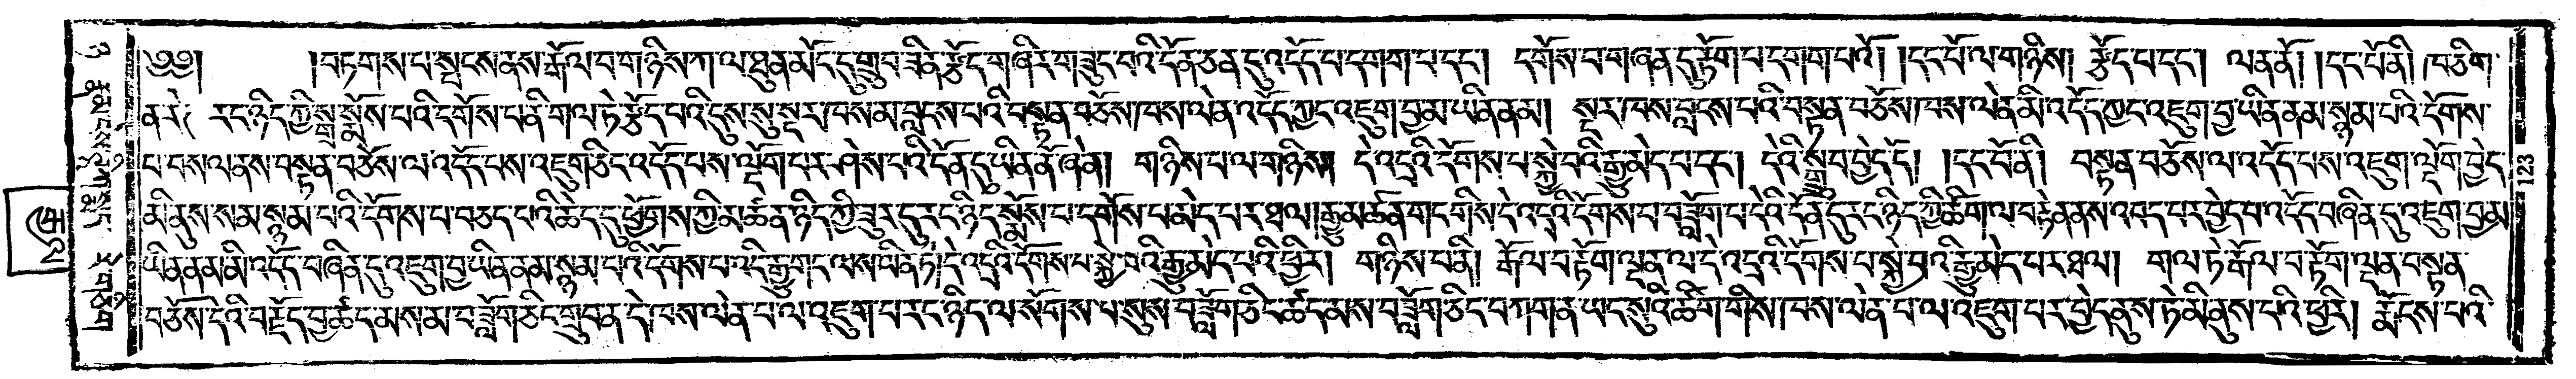༄༅། །བཏགས་པ་སྤངས་ནས་རྒོལ་བ་གཉིས་ཀ་ལ་ཐུན་མོང་དུ་གྲུབ་ཟིན་རྩོད་གཞིར་གཟུང་བའི་དོན་ཅན་དུ་འདོད་པ་དགག་པ་དང་། དགོས་པ་གཞན་དུ་རྟོག་པ་དགག་པའོ། །དང་པོ་ལ་གཉིས། རྩོད་པ་དང་། ལན་ནོ། །དང་པོ་ནི། ཁ་ཅིག་
ན་རེ༑ རང་ཉིད་ཀྱི་སྒྲ་སྨོས་པའི་དགོས་པ་ནི་གལ་ཏེ་རྩོད་པའི་དུས་སུ་སྔར་ཁས་མ་བླངས་པའི་བསྟན་བཅོས་ཁས་ལེན་འདོད་ཀྱང་འཇུག་བྱ་མ་ཡིན་ནམ། སྔར་ཁས་བླངས་པའི་བསྟན་བཅོས་ཁས་ལེན་མི་འདོད་ཀྱང་འཇུག་བྱ་ཡིན་ནམ་སྙམ་པའི་དོགས་
པ་བསལ་ནས་བསྟན་བཅོས་ལ་འདོད་པས་འཇུག་ཅིང་འདོད་པས་ལྡོག་པར་ཤེས་པའི་དོན་དུ་ཡིན་ནོ་ཞེ་ན། གཉིས་པ་ལ་གཉིས། དེ་འདྲའི་དོགས་པ་སྐྱེ་བའི་རྒྱུ་མེད་པ་དང་། དེའི་སྒྲུབ་བྱེད་དོ། །དང་བོ་ནི། བསྟན་བཅོས་ལ་འདོད་པས་འཇུག་ལྡོག་བྱེད་
མི་ནུས་སམ་སྙམ་པའི་དོགས་པ་བཅད་པའི་ཆེད་དུ་ཕྱོགས་ཀྱི་མཚན་ཉིད་ཀྱི་ཟུར་དུ་རང་ཉིད་སྨོས་པ་དགོས་པ་མེད་པར་ཐལ། རྒྱུ་མཚན་གང་གིས་དེ་འདྲའི་དོགས་པ་བཟློག་པ་དེའི་དོན་དུ་རང་ཉིད་ཀྱི་ཚིག་ལ་བརྟེན་ནས་འབད་པར་བྱེད་པ་འདོད་བཞིན་དུ་འཇུག་བྱ་མ་
ཡིན་ནམ་མི་འདོད་བཞིན་དུ་འཇུག་བྱ་ཡིན་ནམ་སྙམ་པའི་དོགས་པ་འདི་རྒྱུ་གང་ལས་ཡིན་ཏེ། དེ་འདྲའི་དོགས་པ་སྐྱེ་བའི་རྒྱུ་མེད་པའི་ཕྱིར། གཉིས་པ་ནི། རྒོལ་བ་རྟོག་ལྡན་ལ་དེ་འདྲའི་དོགས་པ་སྐྱེ་བའི་རྒྱུ་མེད་པར་ཐལ། གལ་ཏེ་རྒོལ་བ་རྟོག་ལྡན་བསྟན་
བཅོས་དེའི་བརྗོད་བྱ་ཚད་མས་མ་བཟློག་ཅིང་གྲུབ་ན་དེ་ཁས་ལེན་པ་ལ་འཇུག་པ་རང་ཉིད་ལ་སོགས་པ་སུས་བཟློག་ཅིང་ཚད་མས་བཟློག་ཅིང་བཀག་ན་ཡང་སུའི་ཚིག་གིས་ཁས་ལེན་པ་ལ་འཇུག་པར་བྱེད་ནུས་ཏེ་མི་ནུས་པའི་ཕྱིར། རྨོངས་པའི་